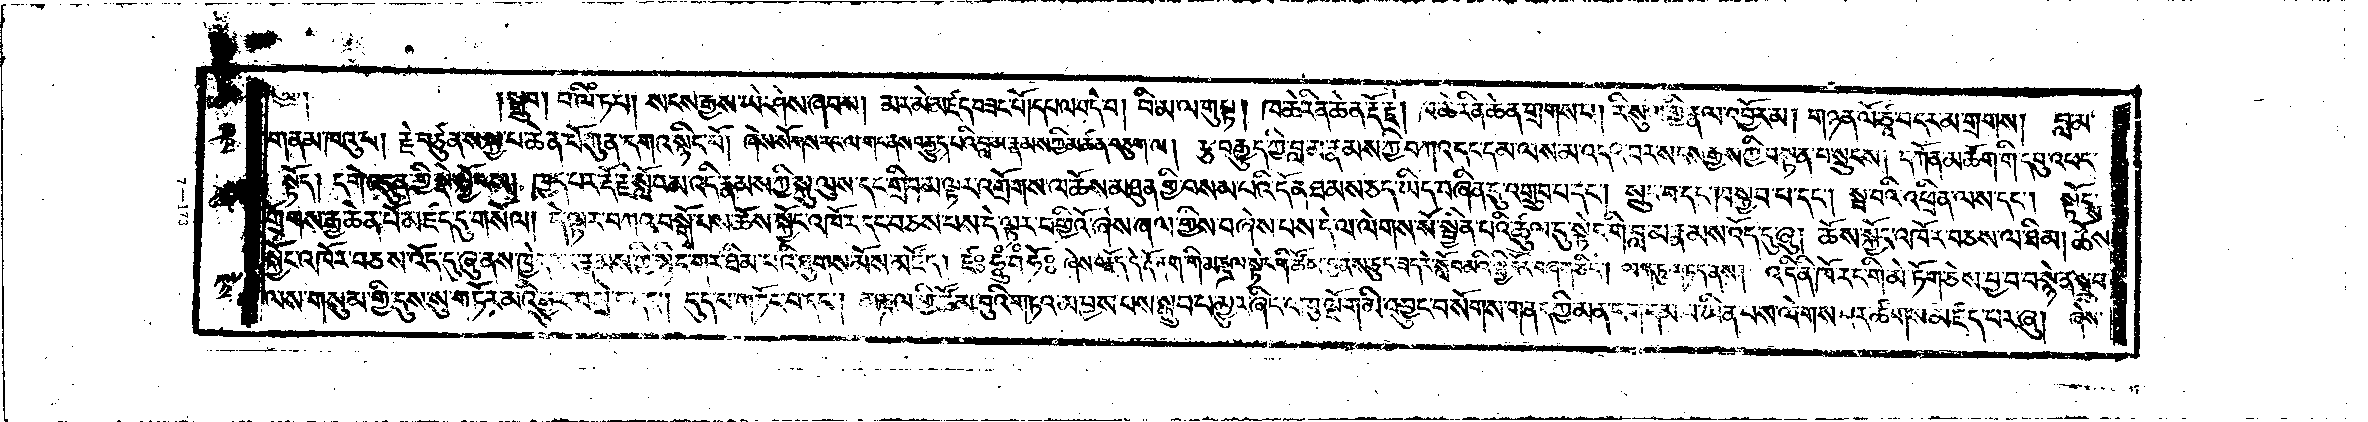༄༅། །སྒྲུབ༑ པ་ལིཾ་ཏ་པ། སངས་རྒྱས་ཡེ་ཤེས་ཞབས། མར་མེ་མཛད་བཟང་པོ། དཔལ་བདེ་བ། བི་མ་ལ་གུབཏ། ཁ་ཆེ་རིན་ཆེན་རྡོ་རྗེ། ཁ་ཆེ་རིན་ཆེན་གྲགས་པ། རི་སུལ་གྱི་རྣལ་འབྱོར་མ། གཉན་ལོ་ཙཱ་བ་དར་མ་གྲགས། བླ་མ་
གནམ་ཁའུ་པ། རྗེ་བཙུན་ས་སྐྱ་པ་ཆེན་པོ་ཀུན་དགའ་སྙིང་པོ། ཞེས་སོགས་རང་ལ་གང་ནས་བརྒྱུད་པའི་བླ་མ་རྣམས་ཀྱི་མཚན་བཅུག་ལ།  རྩ་བརྒྱུད་ཀྱི་བླ་མ་རྣམས་ཀྱི་བཀའ་དང་དམ་ལས་མ་འདའ་བར་སངས་རྒྱས་ཀྱི་བསྟན་བསྲུངས། དཀོན་མཆོག་གི་དབུ་འཕང་
སྟོད༑ དགེ་འདུན་ཕྱི་སྡེ་སྐྱོངས། ཁྱད་པར་རྡོ་རྗེ་སློབ་མ་འདི་རྣམས་ཀྱི་སྐུ་ལུས་དང་གྲིབ་མ་ལྟར་འགྲོགས་ལ་ཆོས་མཐུན་གྱི་བསམ་པའི་དོན་ཐམས་ཅད་ཡིད་བཞིན་དུ་འགྲུབ་པ་དང་། སྲུང་བ་དང་།བསྐྱབ་པ་དང་། སྦ་བའི་འཕྲིན་ལས་དང་། སྟོངས་
གྲོགས་རྒྱ་ཆེན་པོ་མཛད་དུ་གསོལ། དེ་ལྟར་བཀའ་བསྒོ་པས་ཆོས་སྐྱོང་འཁོར་དང་བཅས་པས་དེ་ལྟར་བགྱིའོ་ཞེས་ཞལ་གྱིས་བཞེས་པས་དེ་ལ་ལེགས་སོ་སྦྱིན་པའི་ཚུལ་དུ་སྟེང་གི་བླ་མ་རྣམས་འོད་དུ་ཞུ། ཆོས་སྐྱོང་འཁོར་བཅས་།ཆོས་
སྐྱོང་འཁོར་བཅས་འོད་དུ་ཞུ་ནས་ཁྱེད་རང་རྣམས་ཀྱི་སྙིང་གར་ཐིམ་པའི་ཐུགས་མོས་མཛོད། ཛཿཧཱུཾ་བཾ་ཧོཿ ཞེས་བརྗོད་དེ་རྡོ་ནག་གི་མཎྜལ་སྟེང་གི་ཚོམ་བུ་ནས་ཅུང་ཟད་དེ་སློབ་མའི་སྦྱི་བོར་བཞག་ཅིང་། ལག་ཏུ་གཏད་ནས།  འདི་ནི་ཁོ་རང་གི་མེ་ཏོག་ཅེས་བྱ་བ་བསྙེན་སྒྲུབ་
ལས་གསུམ་གྱི་དུས་སུ་གཏོར་མའི་རྒྱུར་བསྲེ་བ་དང་། དུད་པ་གཏོང་བ་དང་། མཎྜལ་གྱི་ཚོམ་བུའི་གཏའམ་བྱས་པས་སྒྲུབ་པ་མྱུར་ཞིང་འཁུ་ལྡོག་མི་འབྱུང་བ་སོགས་གནད་ཀྱི་མན་ངག་དམ་པ་ཡིན་པས་ལེགས་པར་ཚགས་མཛད་པར་ཞུ། ཞེས་